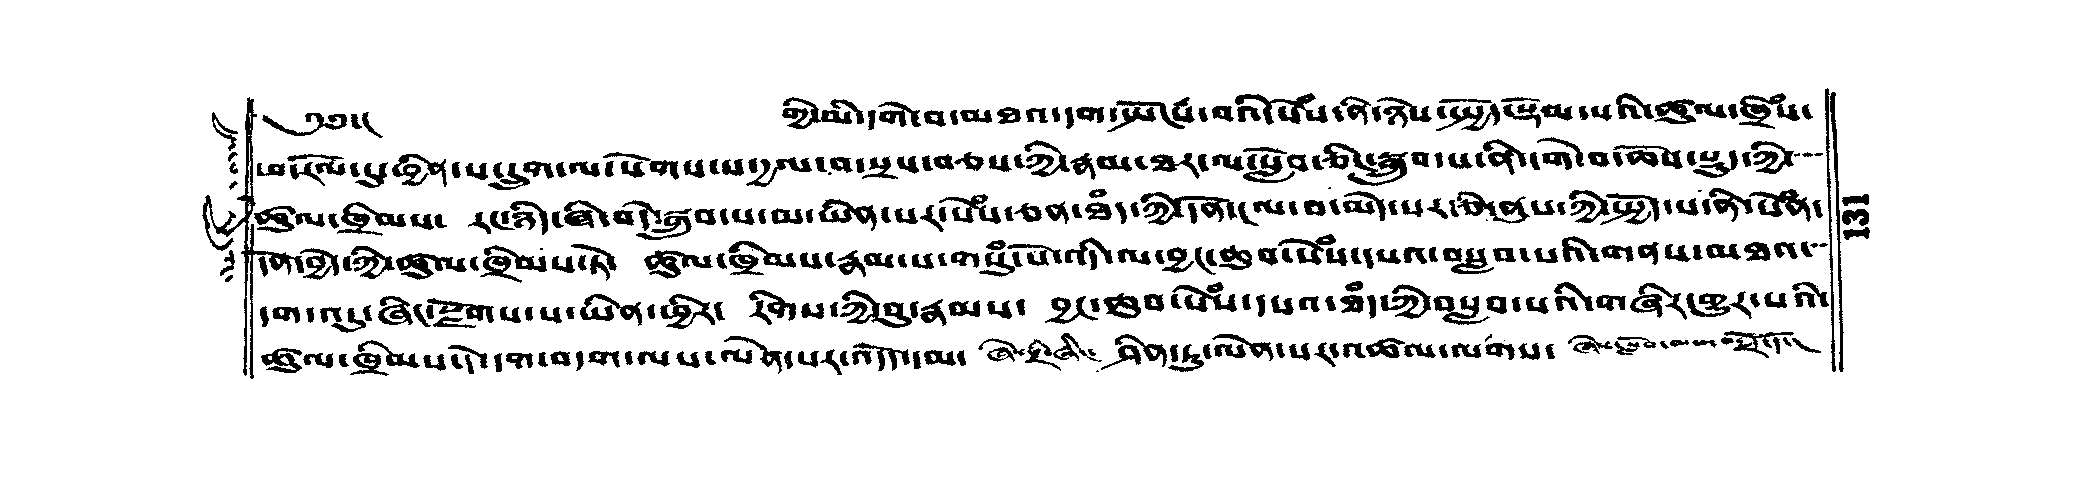གྱི་མི་དགེ་བ་མཐའ་དག་སྤོངས་བའི་སེམས་ནི་ཉེས་སྤྱོད་སྡོམ་པའི་ཚུལ་ཁྲིམས་
ཕ་རོལ་ཏུ་དུ་ཕྱིན་པ་དྲུག་པ་སོགས་པ་རྒྱལ་བ་སྲས་བཅས་ཀྱི་རྣམ་ཐར་ལ་སློབ་ཅིང་སྒྲུབ་པ་ནི་དགེ་བ་ཆོས་སྡུད་ཀྱི་
ཚུལ་ཁྲིམས། རང་ཉིད་ཞི་བདེ་སྒྲུབ་པ་མ་ཡིན་པར་སེམས་ཅན་ཐམས་ཅད་ཀྱི་དོན་ངལ་བ་མེད་པར་ཅི་ནུས་ཀྱི་སྤྱོད་པ་ནི་སེམས་ཅན་
དོན་བྱེད་ཀྱི་ཚུལ་ཁྲིམས་ཏེ། ཚུལ་ཁྲིམས་རྣམ་པ་གསུམ་པོ་འདི་ལ་བྱང་ཆུབ་སེམས་དཔའ་བསླབ་པའི་གནས་མཐའ་
དག་འདུ་ཞིང་རྫོགས་པ་ཡིན་ཕྱིར། རིགས་ཀྱི་བུ་རྣམས། བྱང་ཆུབ་སེམས་དཔའ་ཐམས་ཅད་ཀྱི་བསླབ་པའི་གཞིར་གྱུར་པའི་
ཚུལ་ཁྲིམས་དེ་དག་བདག་ལས་ལེན་པར་འདོད་དམ། ཞེས་དྲི་ཞིང་། ཤིན་ཏུ་ལེན་པར་འཚལ་ལགས། ཞེས་སློབ་མས་བརྗོད་དོ།